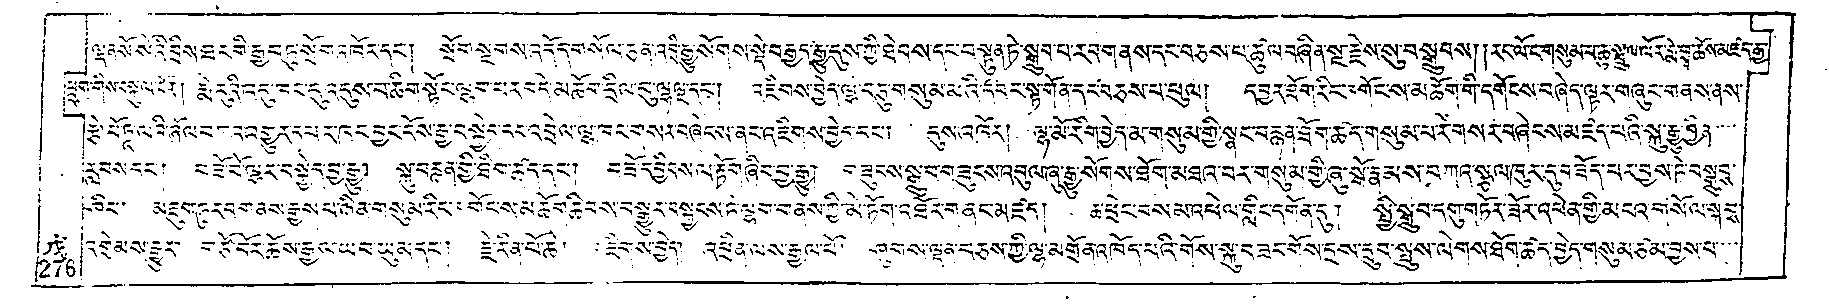ལྡན་སོ་སོའི་བྲིས་ཐང་གི་རྒྱབ་ཏུ་སྲོག་འཁོར་དང་། སྲོག་སྔགས་འདོད་གསོལ་ཅན་འབྲི་རྒྱུ་སོགས་སྡེ་བརྒྱད་རྒྱུ་དུས་ཀྱི་ཐེབས་དང་བསྟུན་ཏེ་སྒྲུབ་པ་རབ་གནས་དང་བཅས་པ་ཚུལ་བཞིན་སྔ་རྗེས་སུ་བསྒྲུབས། །རང་ལོ་ང་གསུམ་པ་ཆུ་སྤྲུལ་ལོར་རྨེ་གྲྭ་ཆོས་མཛད་རྒྱ་
ཕྲུག་གིས་བསྐུལ་ངོར། རྨེ་རུའི་འདུ་ཁང་དུ་འདུས་པ་ཆིག་སྟོང་ལྷག་པར་བདེ་མཆོག་དྲིལ་བུ་ལྷ་ལྔ་དང་། འཇིགས་བྱེད་ལྷ་བཅུ་གསུམ་མའི་དབང་སྟ་གོན་དང་བཅས་པ་ཕུལ། དབྱར་ཐོག་རིང་༧གོང་ས་མཆོག་གི་དགོངས་བཞེད་ལྟར་གཞུང་གནས་ནས་
རྩེ་པོ་ཏཱ་ལའི་ཞོལ་བཀའ་འགྱུར་དཔར་ཁང་བྱང་ངོས་རྒྱ་བསྐྱེད་དང་འབྲེལ་ལྷ་ཁང་གསར་བཞེངས་ནང་འཇིགས་བྱེད་དང་། དུས་འཁོར། ལྷ་མོ་རིག་བྱེད་མ་གསུམ་གྱི་སྣང་བརྙན་ཐོག་ཚད་གསུམ་པ་རེ་གསར་བཞེངས་མཛད་པའི་སྐུ་རྒྱུ་བྱིན་
རླབས་དང་། བཟོ་བོ་ལྷར་བསྐྱེད་བྱ་རྒྱུ། སྐུ་བརྙན་གྱི་ཐིག་ཚད་དང་། བཟོ་དབྱིབས་ལ་རྟོག་ཞིབ་བྱ་རྒྱུ། གཟུངས་སྒྲུབ་གཟུངས་འབུལ་ཞུ་རྒྱུ་སོགས་ཐོག་མཐའ་བར་གསུམ་གྱི་ཟ་